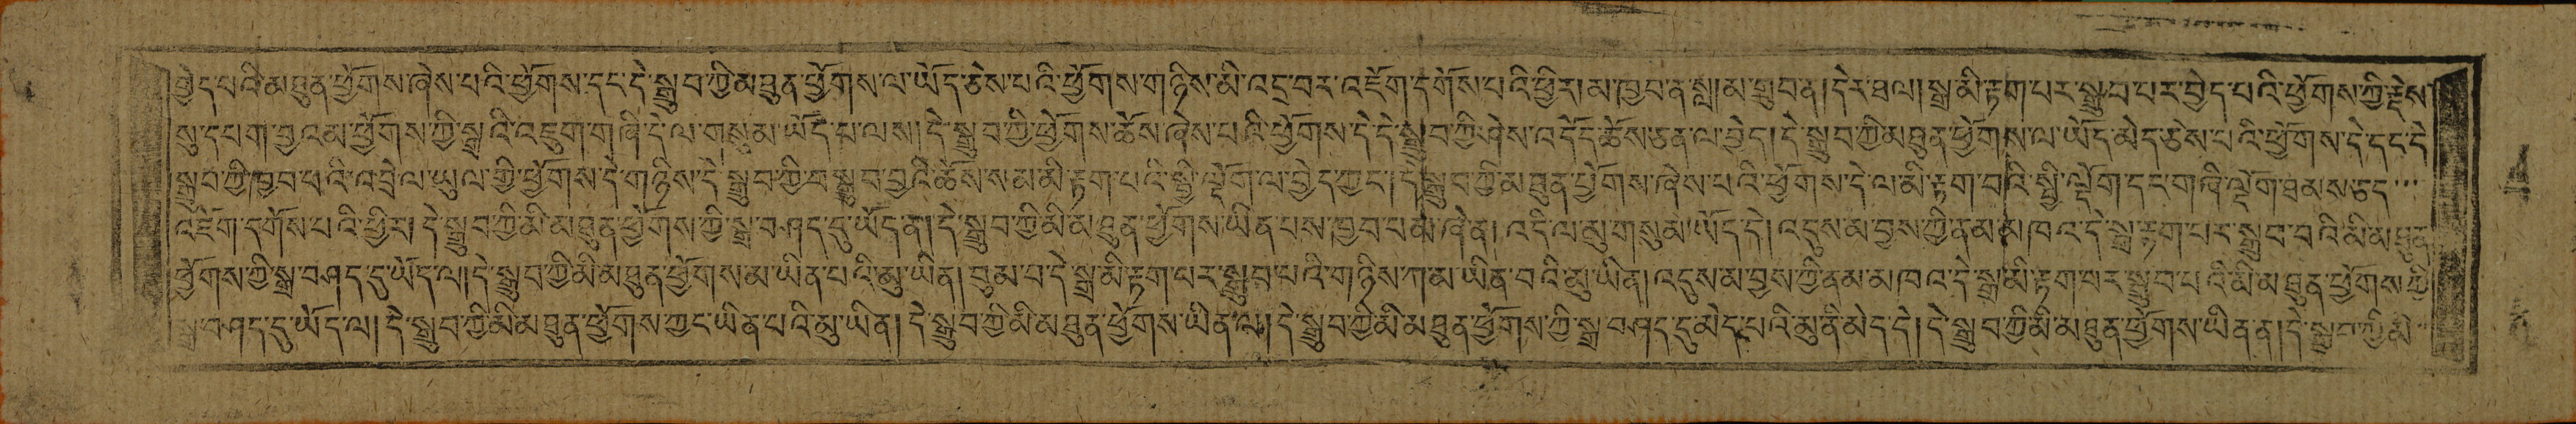བྱེད་པའི་མཐུན་ཕྱོགས་ཞེས་པའི་ཕྱོགས་དང་དེ་སྒྲུབ་ཀྱི་མཐུན་ཕྱོགས་ལ་ཡོད་ཅེས་པའི་ཕྱོགས་གཉིས་མི་འདྲ་བར་འཇོག་དགོས་པའི་ཕྱིར། མ་ཁྱབ་ན་སླ། མ་གྲུབ་ན། དེར་ཐལ། སྒྲ་མི་རྟག་པར་སྒྲུབ་པར་བྱེད་པའི་ཕྱོགས་ཀྱི་རྗེས་
སུ་དཔག་བྱ་འམ་ཕྱོགས་ཀྱི་སྒྲའི་འཇུག་གཞི་དེ་ལ་གསུམ་ཡོད་པ་ལས། དེ་སྒྲུབ་ཀྱི་ཕྱོགས་ཆོས་ཞེས་པའི་ཕྱོགས་དེ་དེ་སྒྲུབ་ཀྱི་ཤེས་འདོད་ཆོས་ཅན་ལ་བྱེད། དེ་སྒྲུབ་ཀྱི་མཐུན་ཕྱོགས་ལ་ཡོད་མེད་ཅེས་པའི་ཕྱོགས་དེ་དང་དེ་
སྒྲུབ་ཀྱི་ཁྱབ་པའི་འབྲེལ་ཡུལ་གྱི་ཕྱོགས་དེ་གཉིས་དེ་སྒྲུབ་ཀྱི་བསྒྲུབ་བྱའི་ཆོས་སམ་མི་རྟག་པའི་སྤྱི་ལྡོག་ལ་བྱེད་ཀྱང་། དེ་སྒྲུབ་ཀྱི་མཐུན་ཕྱོགས་ཞེས་པའི་ཕྱོགས་དེ་ལ་མི་རྟག་པའི་སྤྱི་ལྡོག་དང་གཞི་ལྡོག་ཐམས་ཅད་
འཇོག་དགོས་པའི་ཕྱིར། དེ་སྒྲུབ་ཀྱི་མི་མཐུན་ཕྱོགས་ཀྱི་སྒྲ་བཤད་དུ་ཡོད་ན། དེ་སྒྲུབ་ཀྱི་མི་མཐུན་ཕྱོགས་ཡིན་པས་ཁྱབ་པ་མ་ཞེ་ན། འདི་ལ་མུ་གསུམ་ཡོད་དེ། འདུས་མ་བྱས་ཀྱི་ནམ་མཁའ་དེ་སྒྲ་རྟག་པར་སྒྲུབ་པའི་མི་མཐུན་
ཕྱོགས་ཀྱི་སྒྲ་བཤད་དུ་ཡོད་ལ། དེ་སྒྲུབ་ཀྱི་མི་མཐུན་ཕྱོགས་མ་ཡིན་པའི་མུ་ཡིན། བུམ་པ་དེ་སྒྲ་མི་རྟག་པར་སྒྲུབ་པའི་གཉིས་ཀ་མ་ཡིན་པའི་མུ་ཡིན། འདུས་མ་བྱས་ཀྱི་ནམ་མཁའ་དེ་སྒྲ་མི་རྟག་པར་སྒྲུབ་པའི་མི་མཐུན་ཕྱོགས་ཀྱི་
སྒྲ་བཤད་དུ་ཡོད་ལ། དེ་སྒྲུབ་ཀྱི་མི་མཐུན་ཕྱོགས་ཀྱང་ཡིན་པའི་མུ་ཡིན། དེ་སྒྲུབ་ཀྱི་མི་མཐུན་ཕྱོགས་ཡིན་ལ། དེ་སྒྲུབ་ཀྱི་མི་མཐུན་ཕྱོགས་ཀྱི་སྒྲ་བཤད་དུ་མེད་པའི་མུ་ནི་མེད་དེ། དེ་སྒྲུབ་ཀྱི་མི་མཐུན་ཕྱོགས་ཡིན་ན། དེ་སྒྲུབ་ཀྱི་མི་